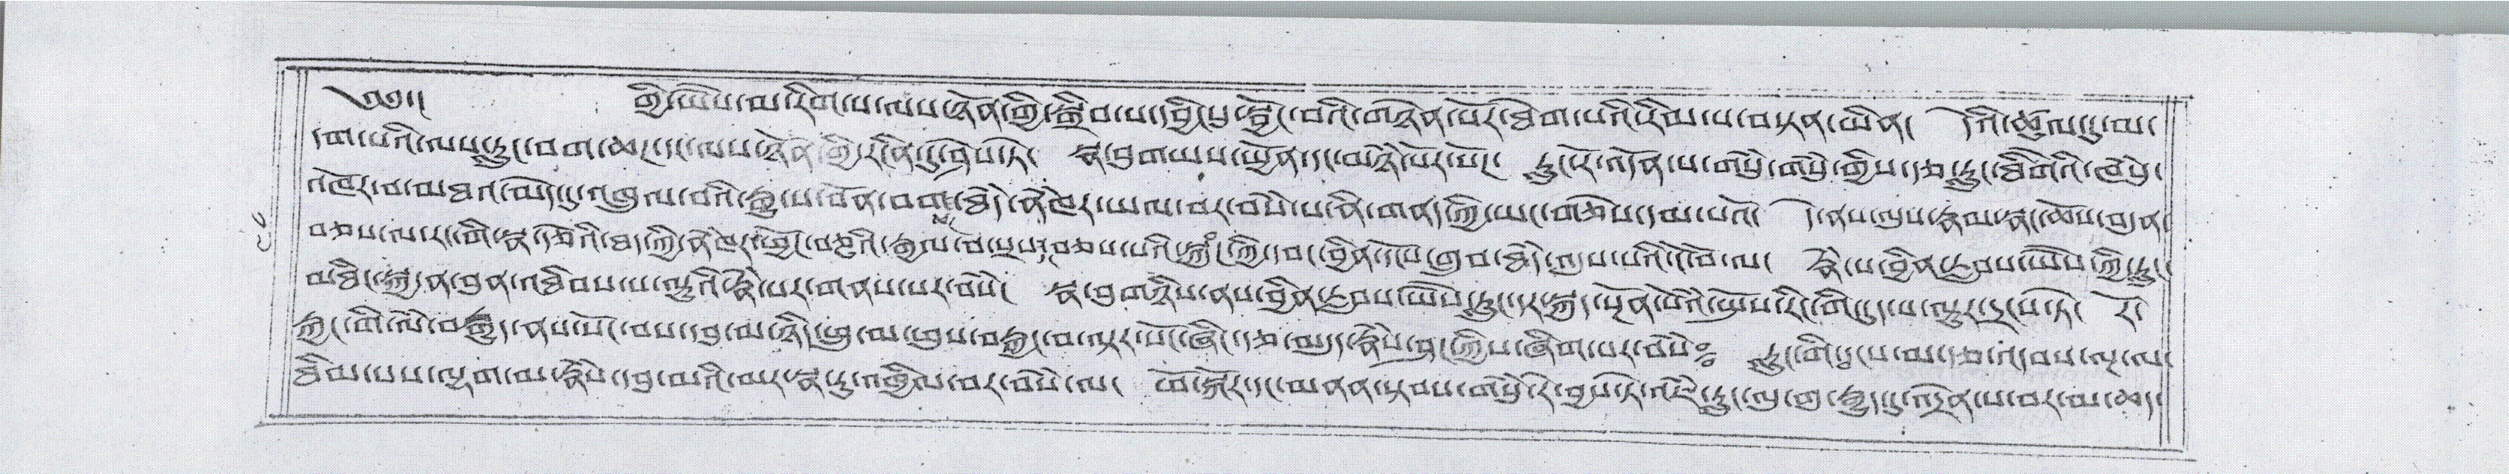གྱི་ཡེ་ཤེས་མ་རིག་པ་ལས་ཉོན་གྱི་སྒྲིབ་པ་དབྱིངས་སུ་སྦྱོང་བའི་གཉེན་པོར་ཐེག་པའི་རིམ་པ་བསྟན་པ་ཡིན། དེའི་ཚུལ་དུ་མ་
དག་པའི་ལས་རླུང་བག་ཆགས་དང་ལས་ཉོན་གྱི་རང་བཞིན་དུ་ཤེས་ཏེ། སྣ་བུག་གཡས་གཡོན་དང་མཉམ་པོར་སོགས། རླུང་རོ་འདོན་པ་གསུམ་གསུམ་གྱིས་རྩ་རླུང་ཐིག་ལེའི་ཁམས་སུ་
འཁོར་བ་མཐའ་མེད་དུ་འཁྲུལ་པའི་རྒྱུ་ས་བོན་བག་ཆགས་ཐམས་ཅད་ནམ་མཁར་ཡལ་བར་བསམ་པ་ནི་གནད་ཀྱི་ཡང་གཅེས་དམ་པའོ། དེ་ནས་ལུས་རྣམ་སྣང་ཆོས་བདུན་
བཅས་ལ་རང་གི་སྣ་རྩེའི་ཐད་ཀྱི་ནམ་མཁར་ཕྱོགས་བཅུའི་རྒྱལ་བ་སྲས་དང་བཅས་པའི་སྐུ་གསུང་ཐུགས་ཀྱི་དབང་བྱིན་དངོས་གྲུབ་ཐམས་ཅད་འདུས་པའི་ངོ་བོ་ལ། རྣམ་པ་བྱིན་རླབས་ཡེ་ཤེས་ཀྱི་རླུང་
མཐིང་སྐྱ་ན་བུན་འཐིབས་པ་ལྟ་བུའི་རྣམ་པར་གནས་པར་བསམ། སྣ་བུག་གཉིས་ནས་བྱིན་རླབས་ཡེ་ཤེས་ཀྱི་རླུང་དར་སྐུད་སྔོན་པོའམ་སྤོས་རིང་གི་དུད་པ་ལྟ་བུར་དྲངས་ཏེ། རོ་
རྐྱང་གི་ལམ་བརྒྱུད་ནས་སོང་བས་དབུ་མ་ཉིད་ཕྲུ་མ་ཕུས་བརྒྱང་བ་ལྟར་སོང་ཞིང་རྩ་མདུད་རྣམས་ཤགས་ཀྱིས་ཞིག་པར་བསམ། རླུང་གི་དྭངས་མ་རྩ་འདབ་ལྔ་ལ་
ཐིམ་པས་ལྷག་མ་རྣམས་དབུ་མའི་མར་སྣ་རུ་འཁྱིལ་བར་བསམ་ལ། ཕོ་སྐོར་དང་མནན་ཐབས་གསུམ་རེ་བྱས་ཏེ་འཇམ་རླུང་ལུ་གུ་རྒྱུད་དུ་འདྲེན་པ་བར་མ་ཆད་